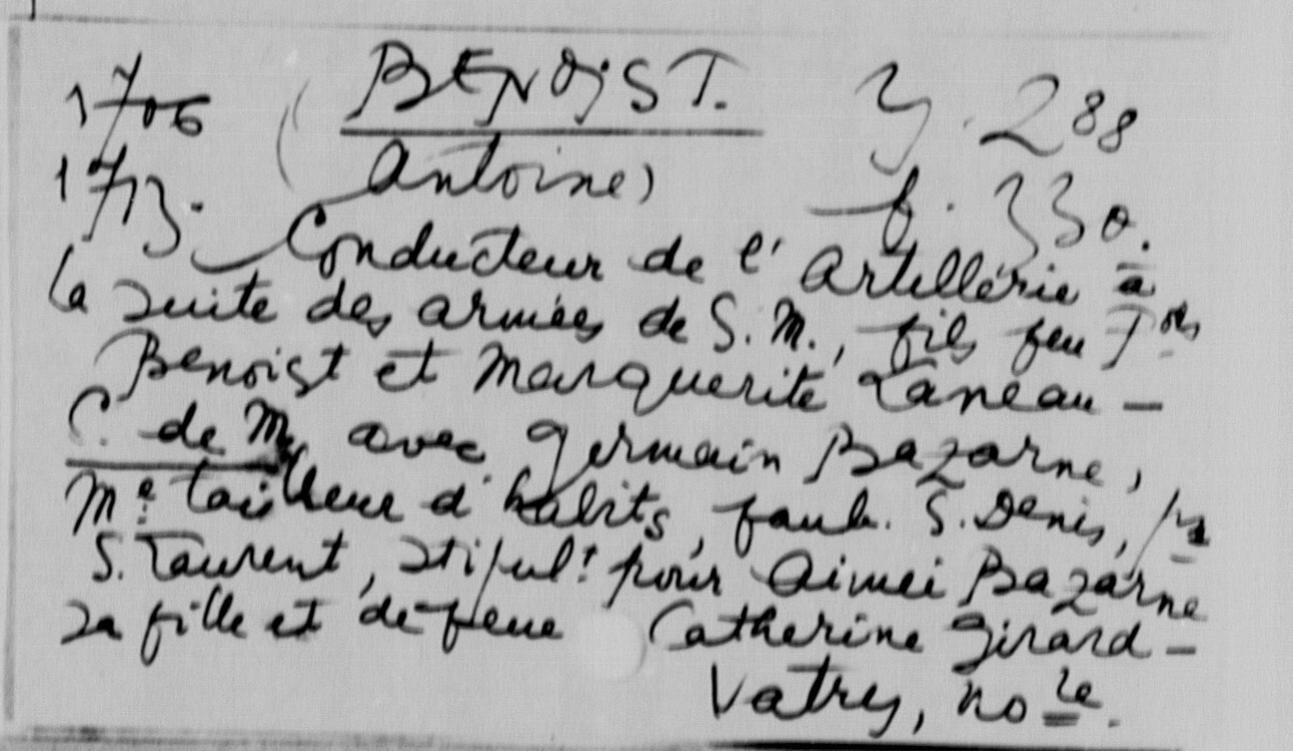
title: BENOIST (Antoine)
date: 1706-1713
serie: Y
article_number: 288
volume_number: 330
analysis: Conducteur de l'artillerie à la suite des armées de Sa Majesté, fils feu François-Benoist et Marguerite Laneau- Contrat de mariage avec Germain Bazarne, maître tailleur d'habits, faubourg Saint-Denis, paroisse Saint-Laurent, stipulant pour Aimée Bazarne, sa fille et de feue Catherine Girard. Vatry, notaire.
